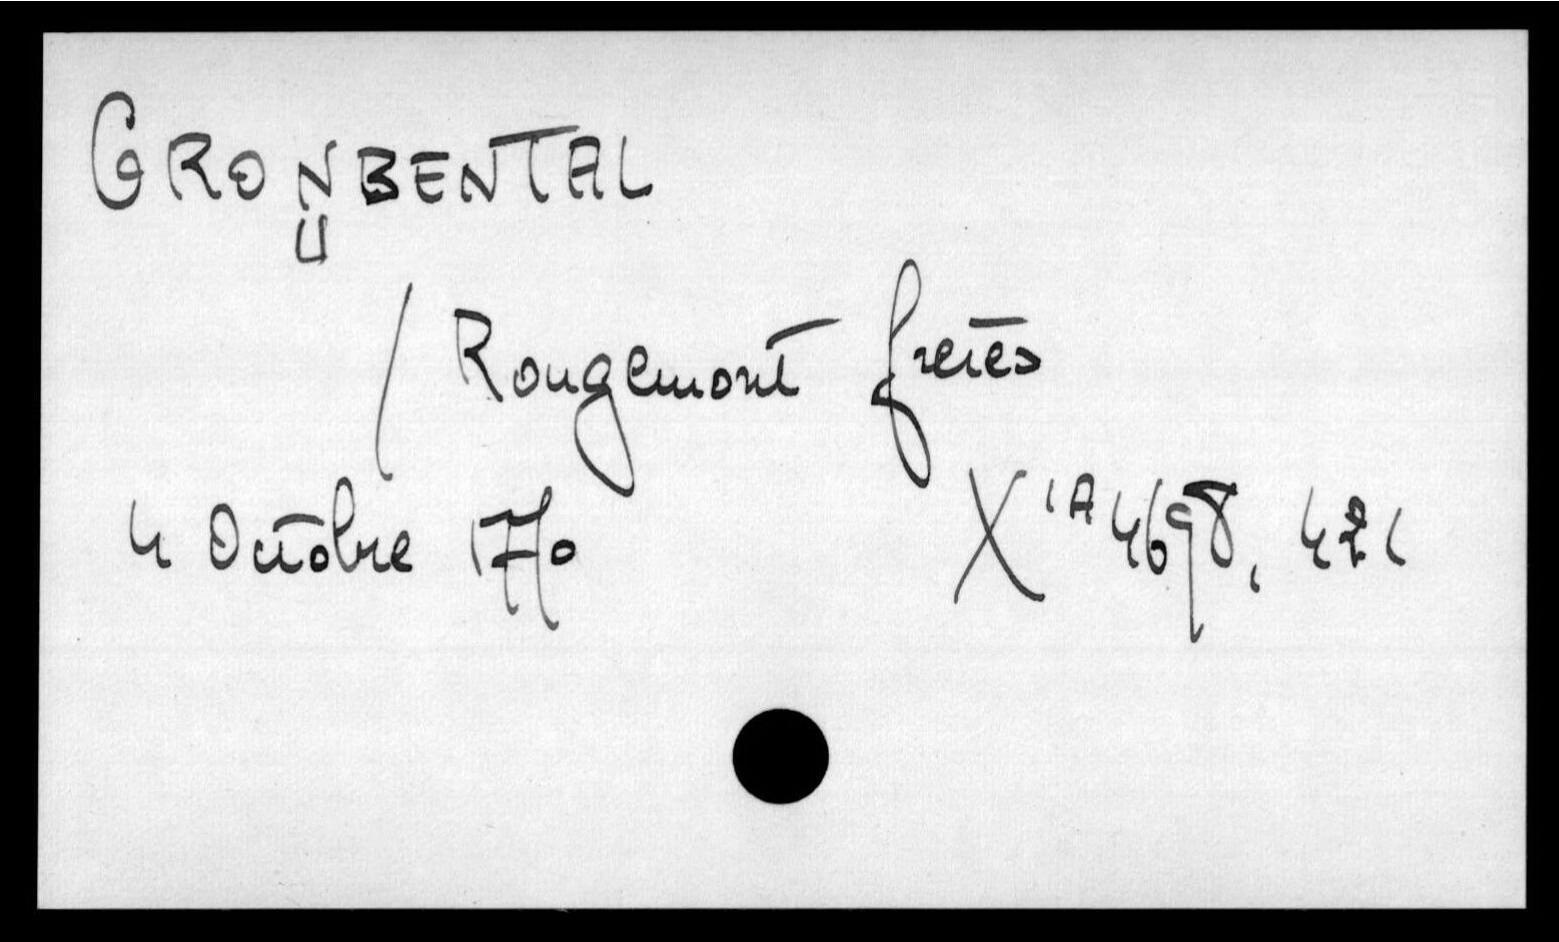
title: GROUBENTAL
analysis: Contre Rougemont frères
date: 4 octobre 1770
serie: X1A
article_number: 4698
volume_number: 421
